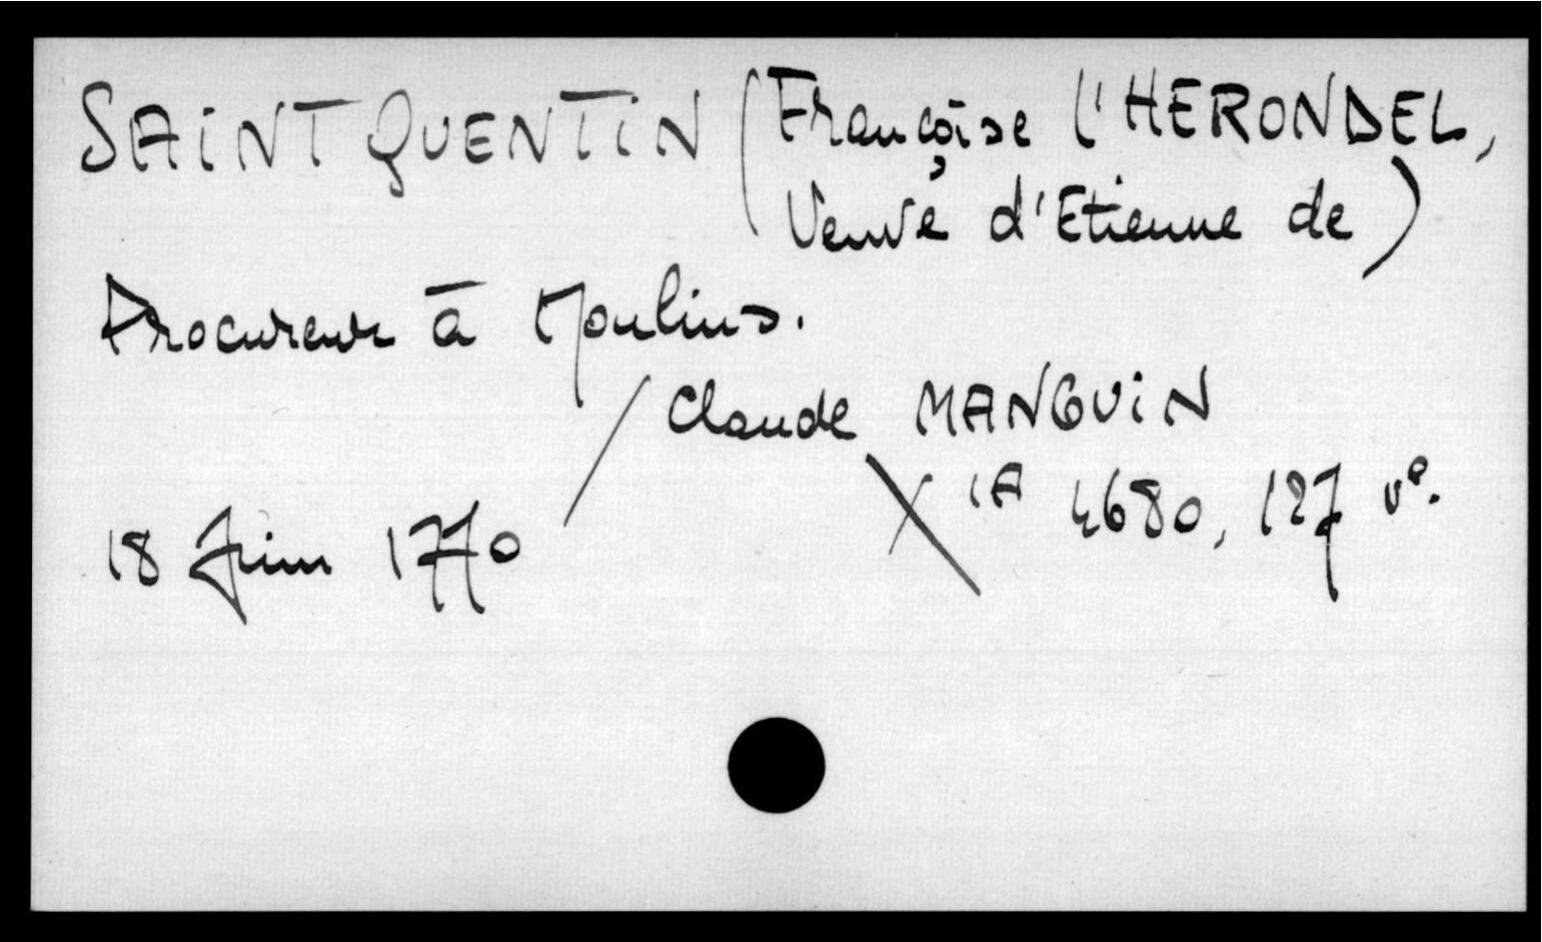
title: SAINT QUENTIN (Françoise L'HERONDEL, Veuve d'Étienne de) Procureur à Moulins.
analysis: Contre Claude MANGUIN
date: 18 juin 1770
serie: X1A
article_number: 4680
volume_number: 127v
